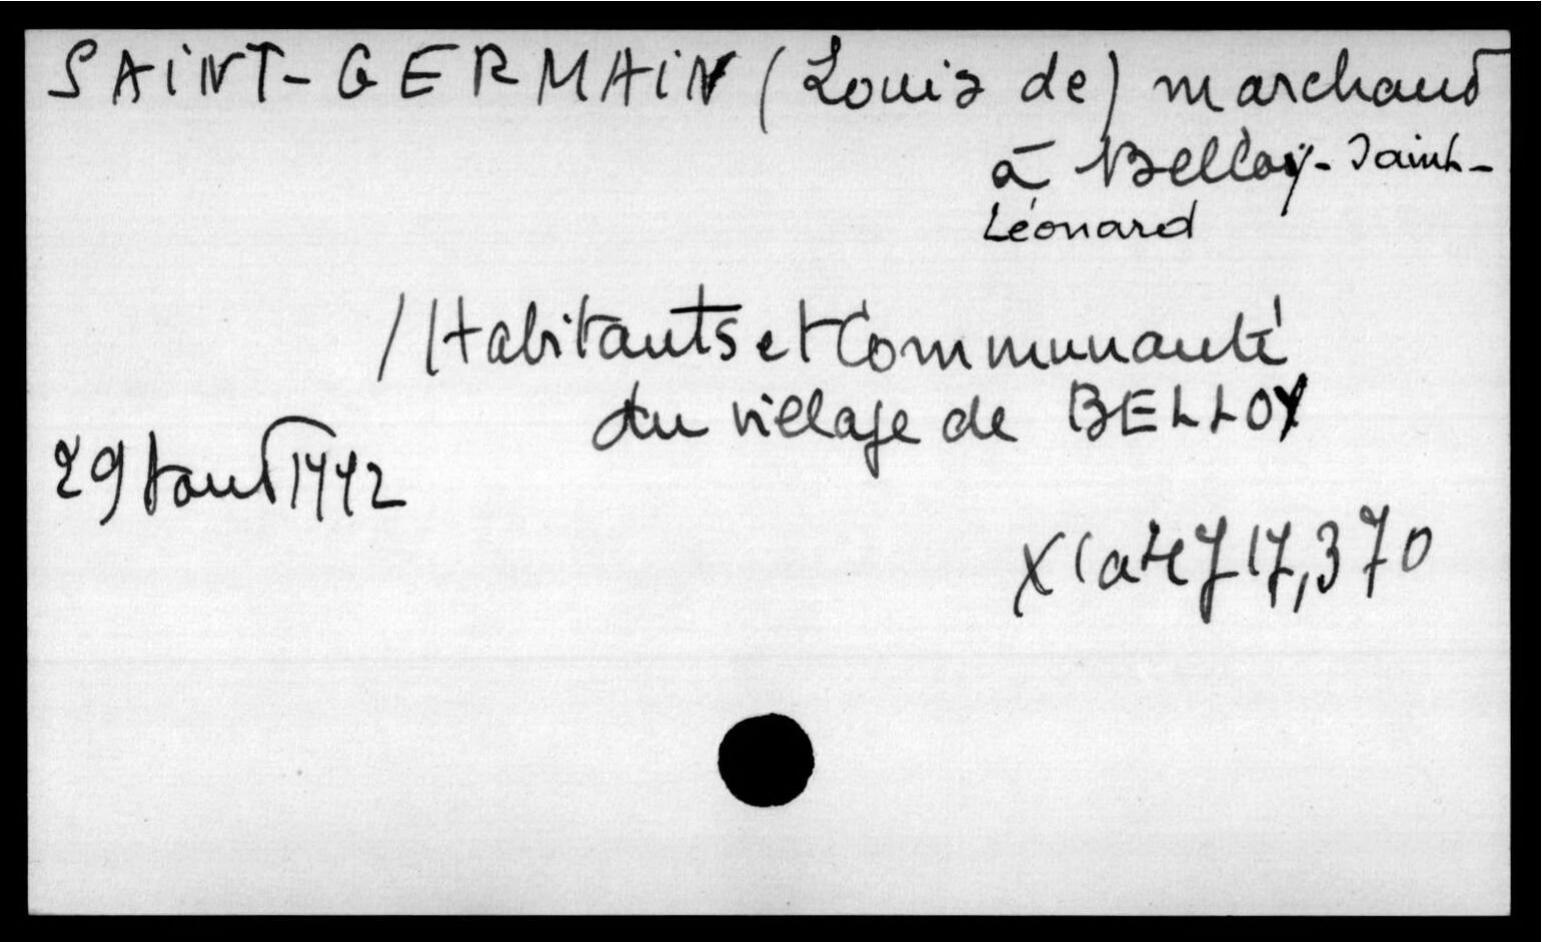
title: SAINT-GERMAIN (Louis de) marchand à Belloy, Saint-Léonard
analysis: Contre Habitants et Communauté du village de BELLOY
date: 29 août 1772
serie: X1a
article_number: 4717
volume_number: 370
